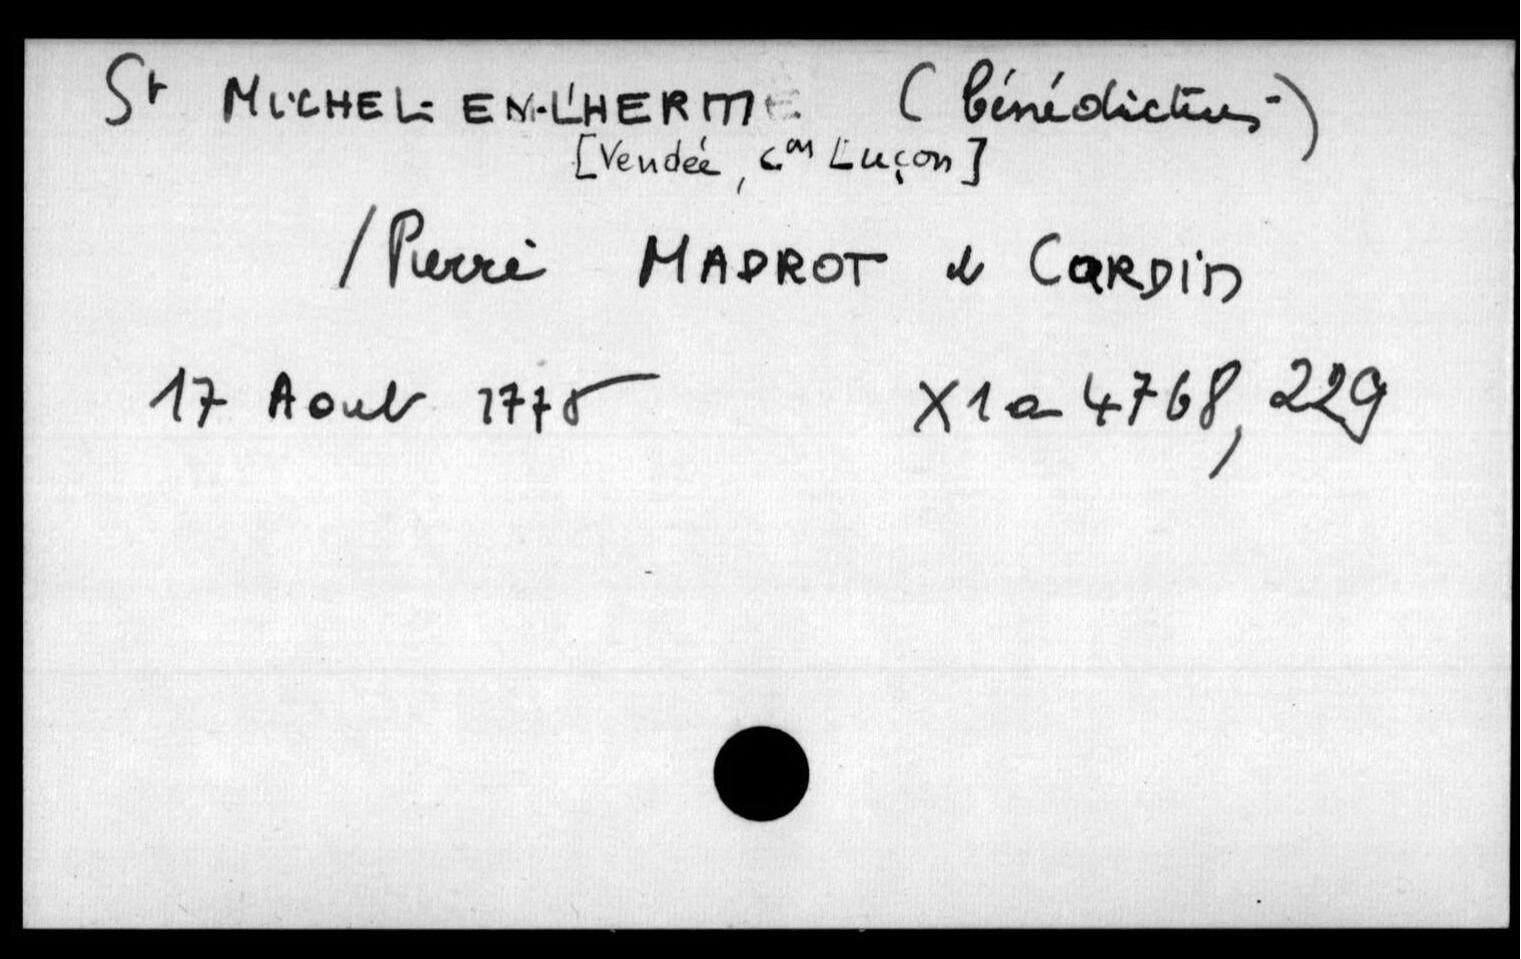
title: SAINT-MICHEL-EN-LHERMI (bénédictins) [Vendée, canton Luçon]
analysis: Contre Pierre MADROT de CARDIN
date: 17 août 1775
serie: X1a
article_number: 4768
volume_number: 229
